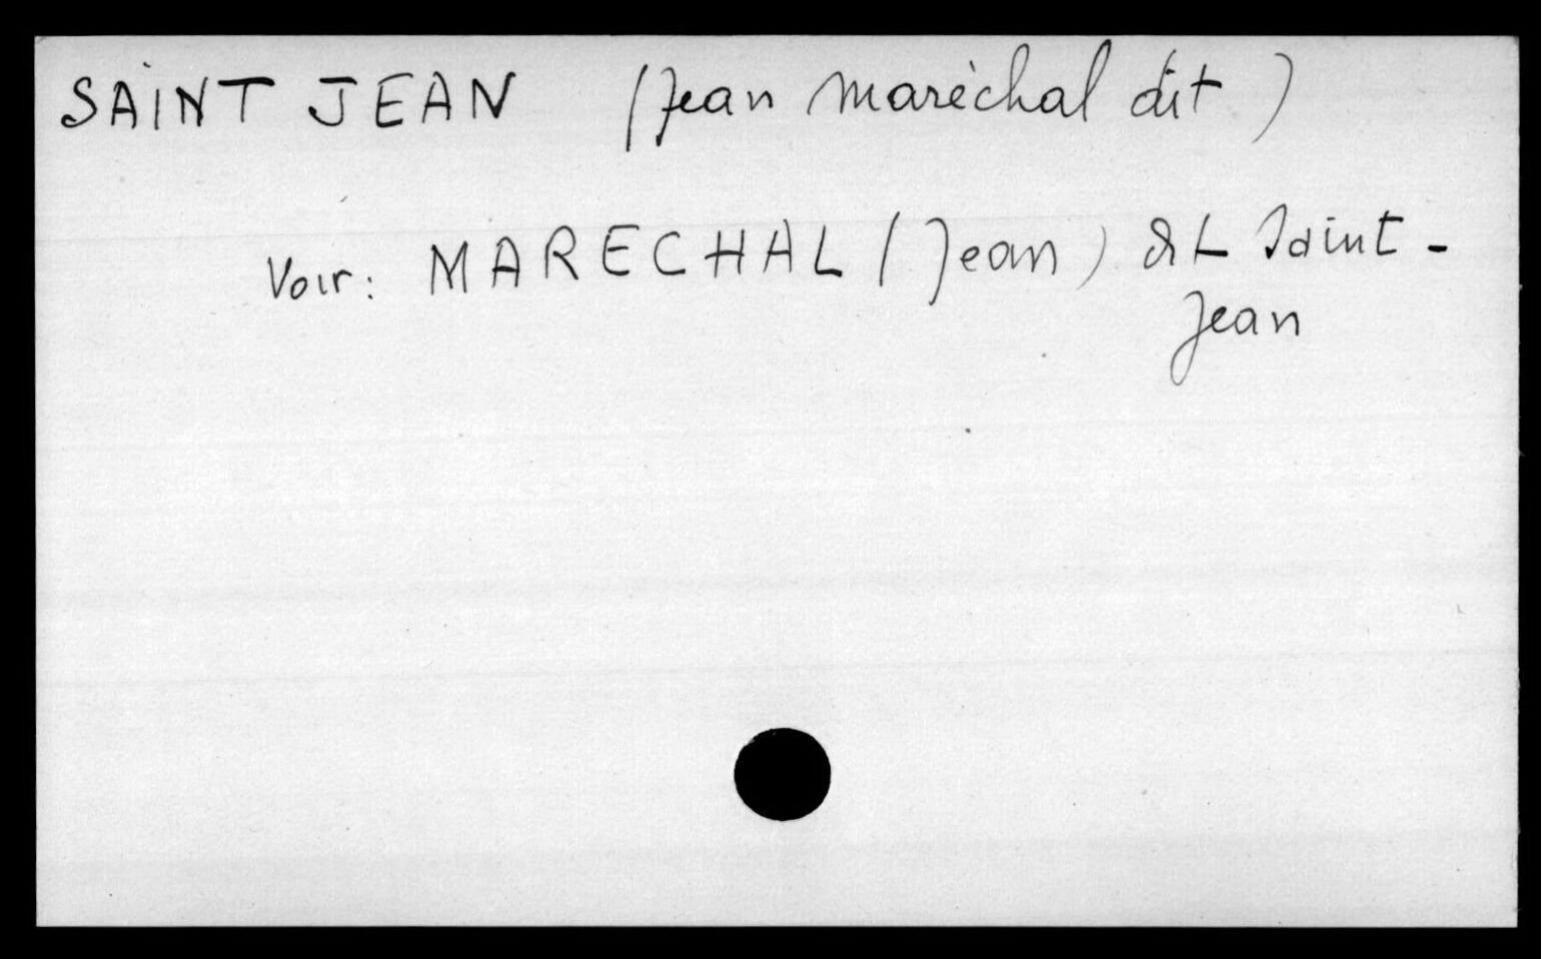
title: SAINT JEAN (Jean Maréchal dit )
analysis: Voir : MARECHAL (Jean) dit Saint-Jean
